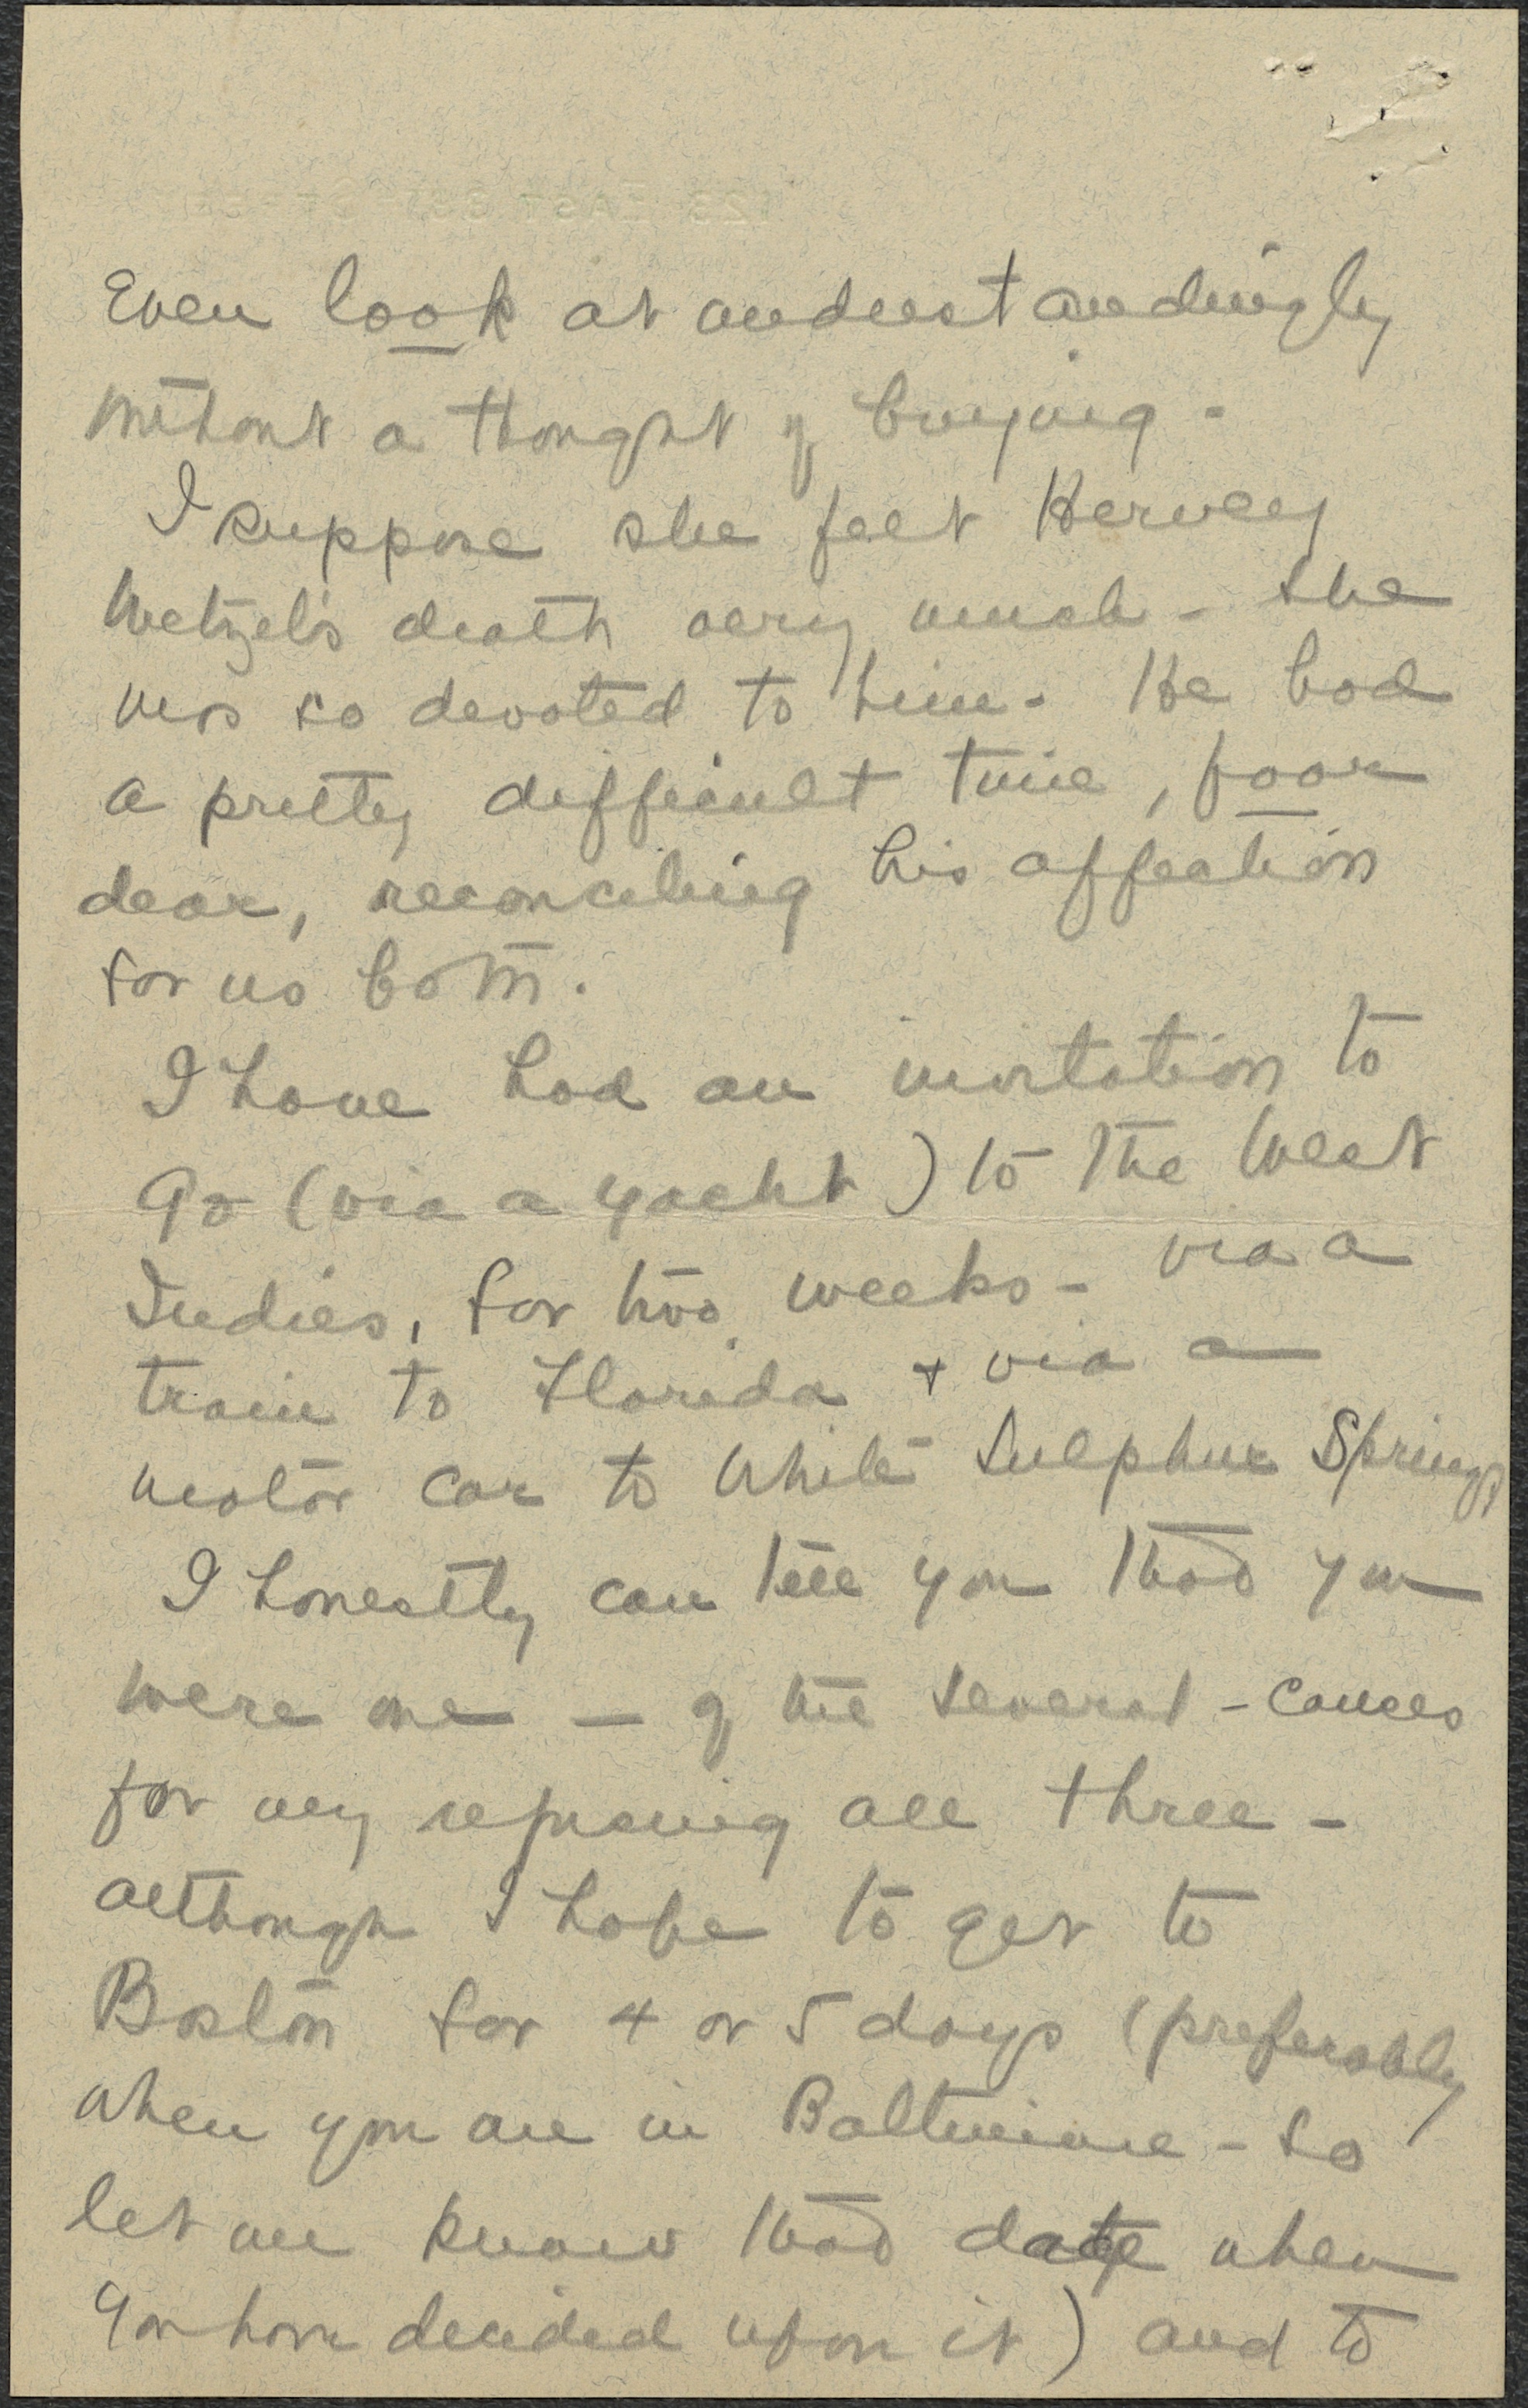even look at understandingly without a thought of buying ––
I suppose she felt Hervey [sic] Wetzel's death very much – She was so devoted to him – He had a pretty difficult time, poor dear, reconciling his affection for us both.
I have had an invitation to go (via a yacht) to the West Indies, for two weeks – via a train to Florida & via a motor car to White Sulphur Springs.
I honestly can tell you that you were one – of the several – causes for my refusing all three – although I hope to get to Boston for 4 or 5 days (preferably when you are in Baltimore – so let me know that date when you have decided upon it) and to